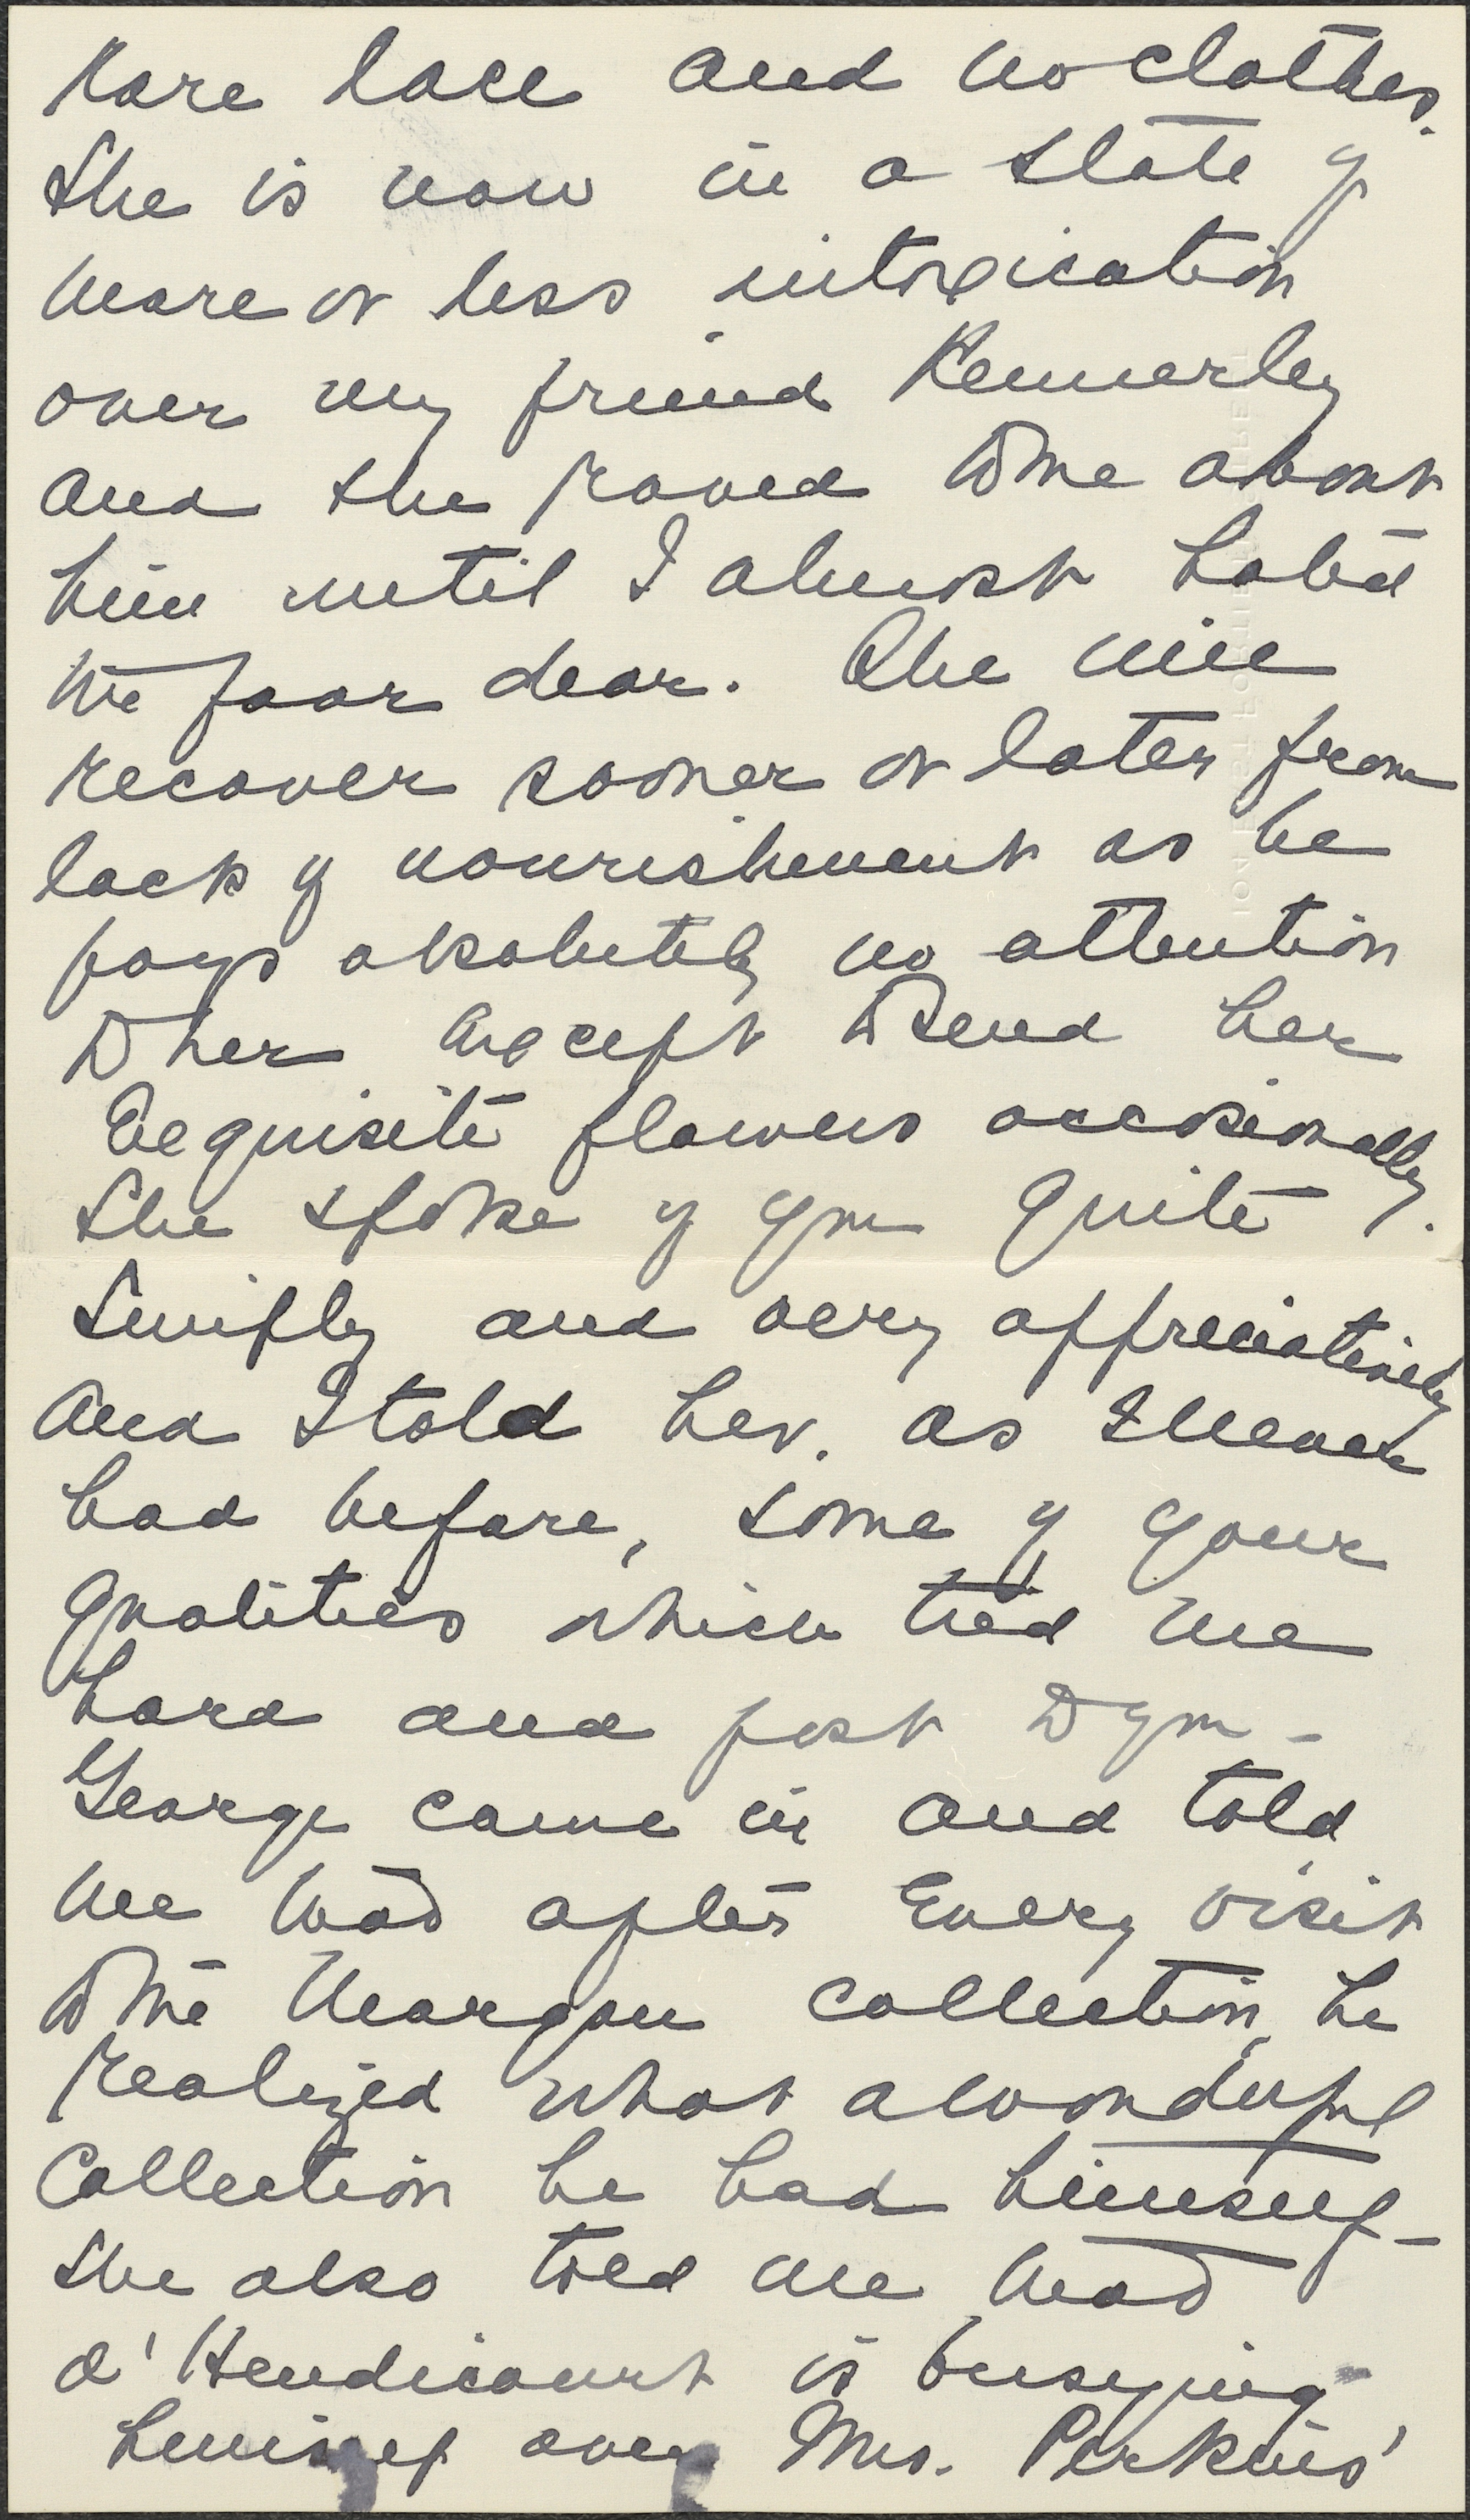rare lace and no clothes. She is now in a state of more or less intoxication over my friend Kennerley and she raved to me about him until I almost hated the poor dear. She will recover sooner or later from lack of nourishment as he pays absolutely no attention to her except to send her exquisite flowers occasionally. She spoke of you quite simply and very appreciatively and I told her, as I never had before, some of your qualities which tied me hard and fast to you – George came in and told me that after every visit to the Morgan collection he realized what a wonderful collection he had himself – she also told me that d’Hendicourt is busying himself over Mrs. Perkins’